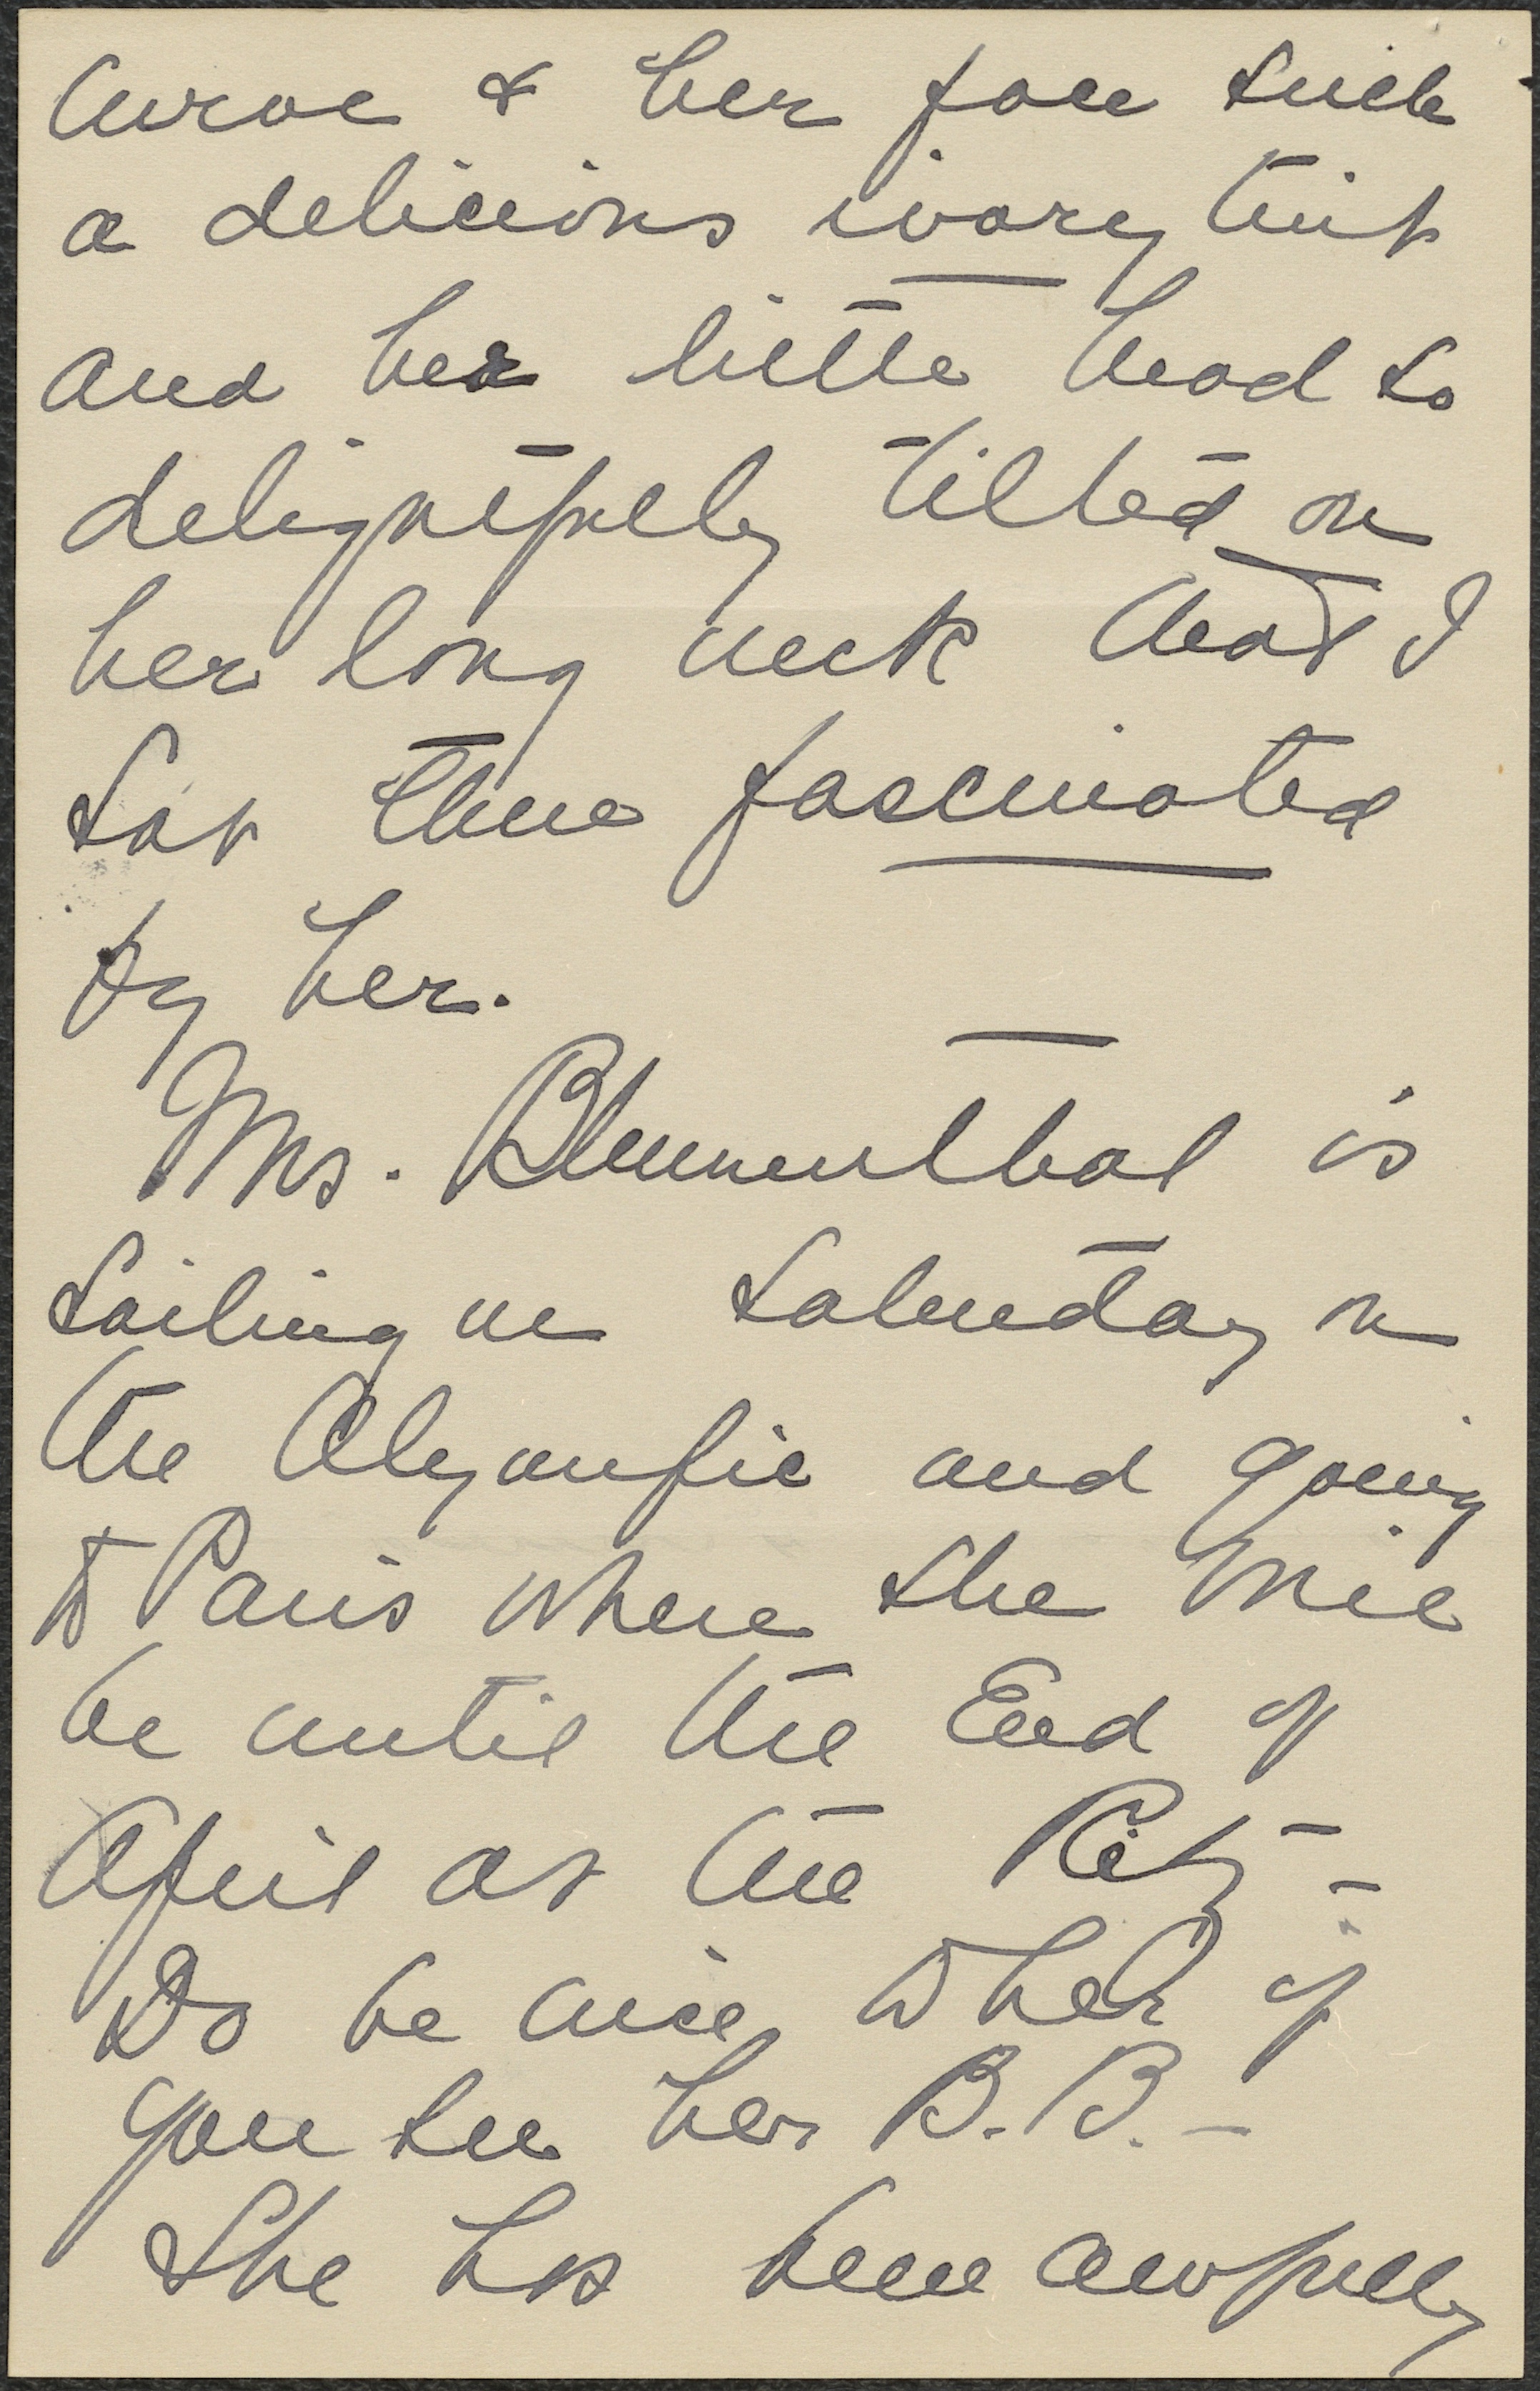curve & her face such a delicious ivory tint and her little head so delightfully tilted on her long neck that I sat there fascinated by her.
Mrs. Blumenthal is sailing on Saturday on the Olympic and going to Paris where she will be until the end of April at the Ritz –
Do be nice to her if you see her B. B. –
She has been awfully